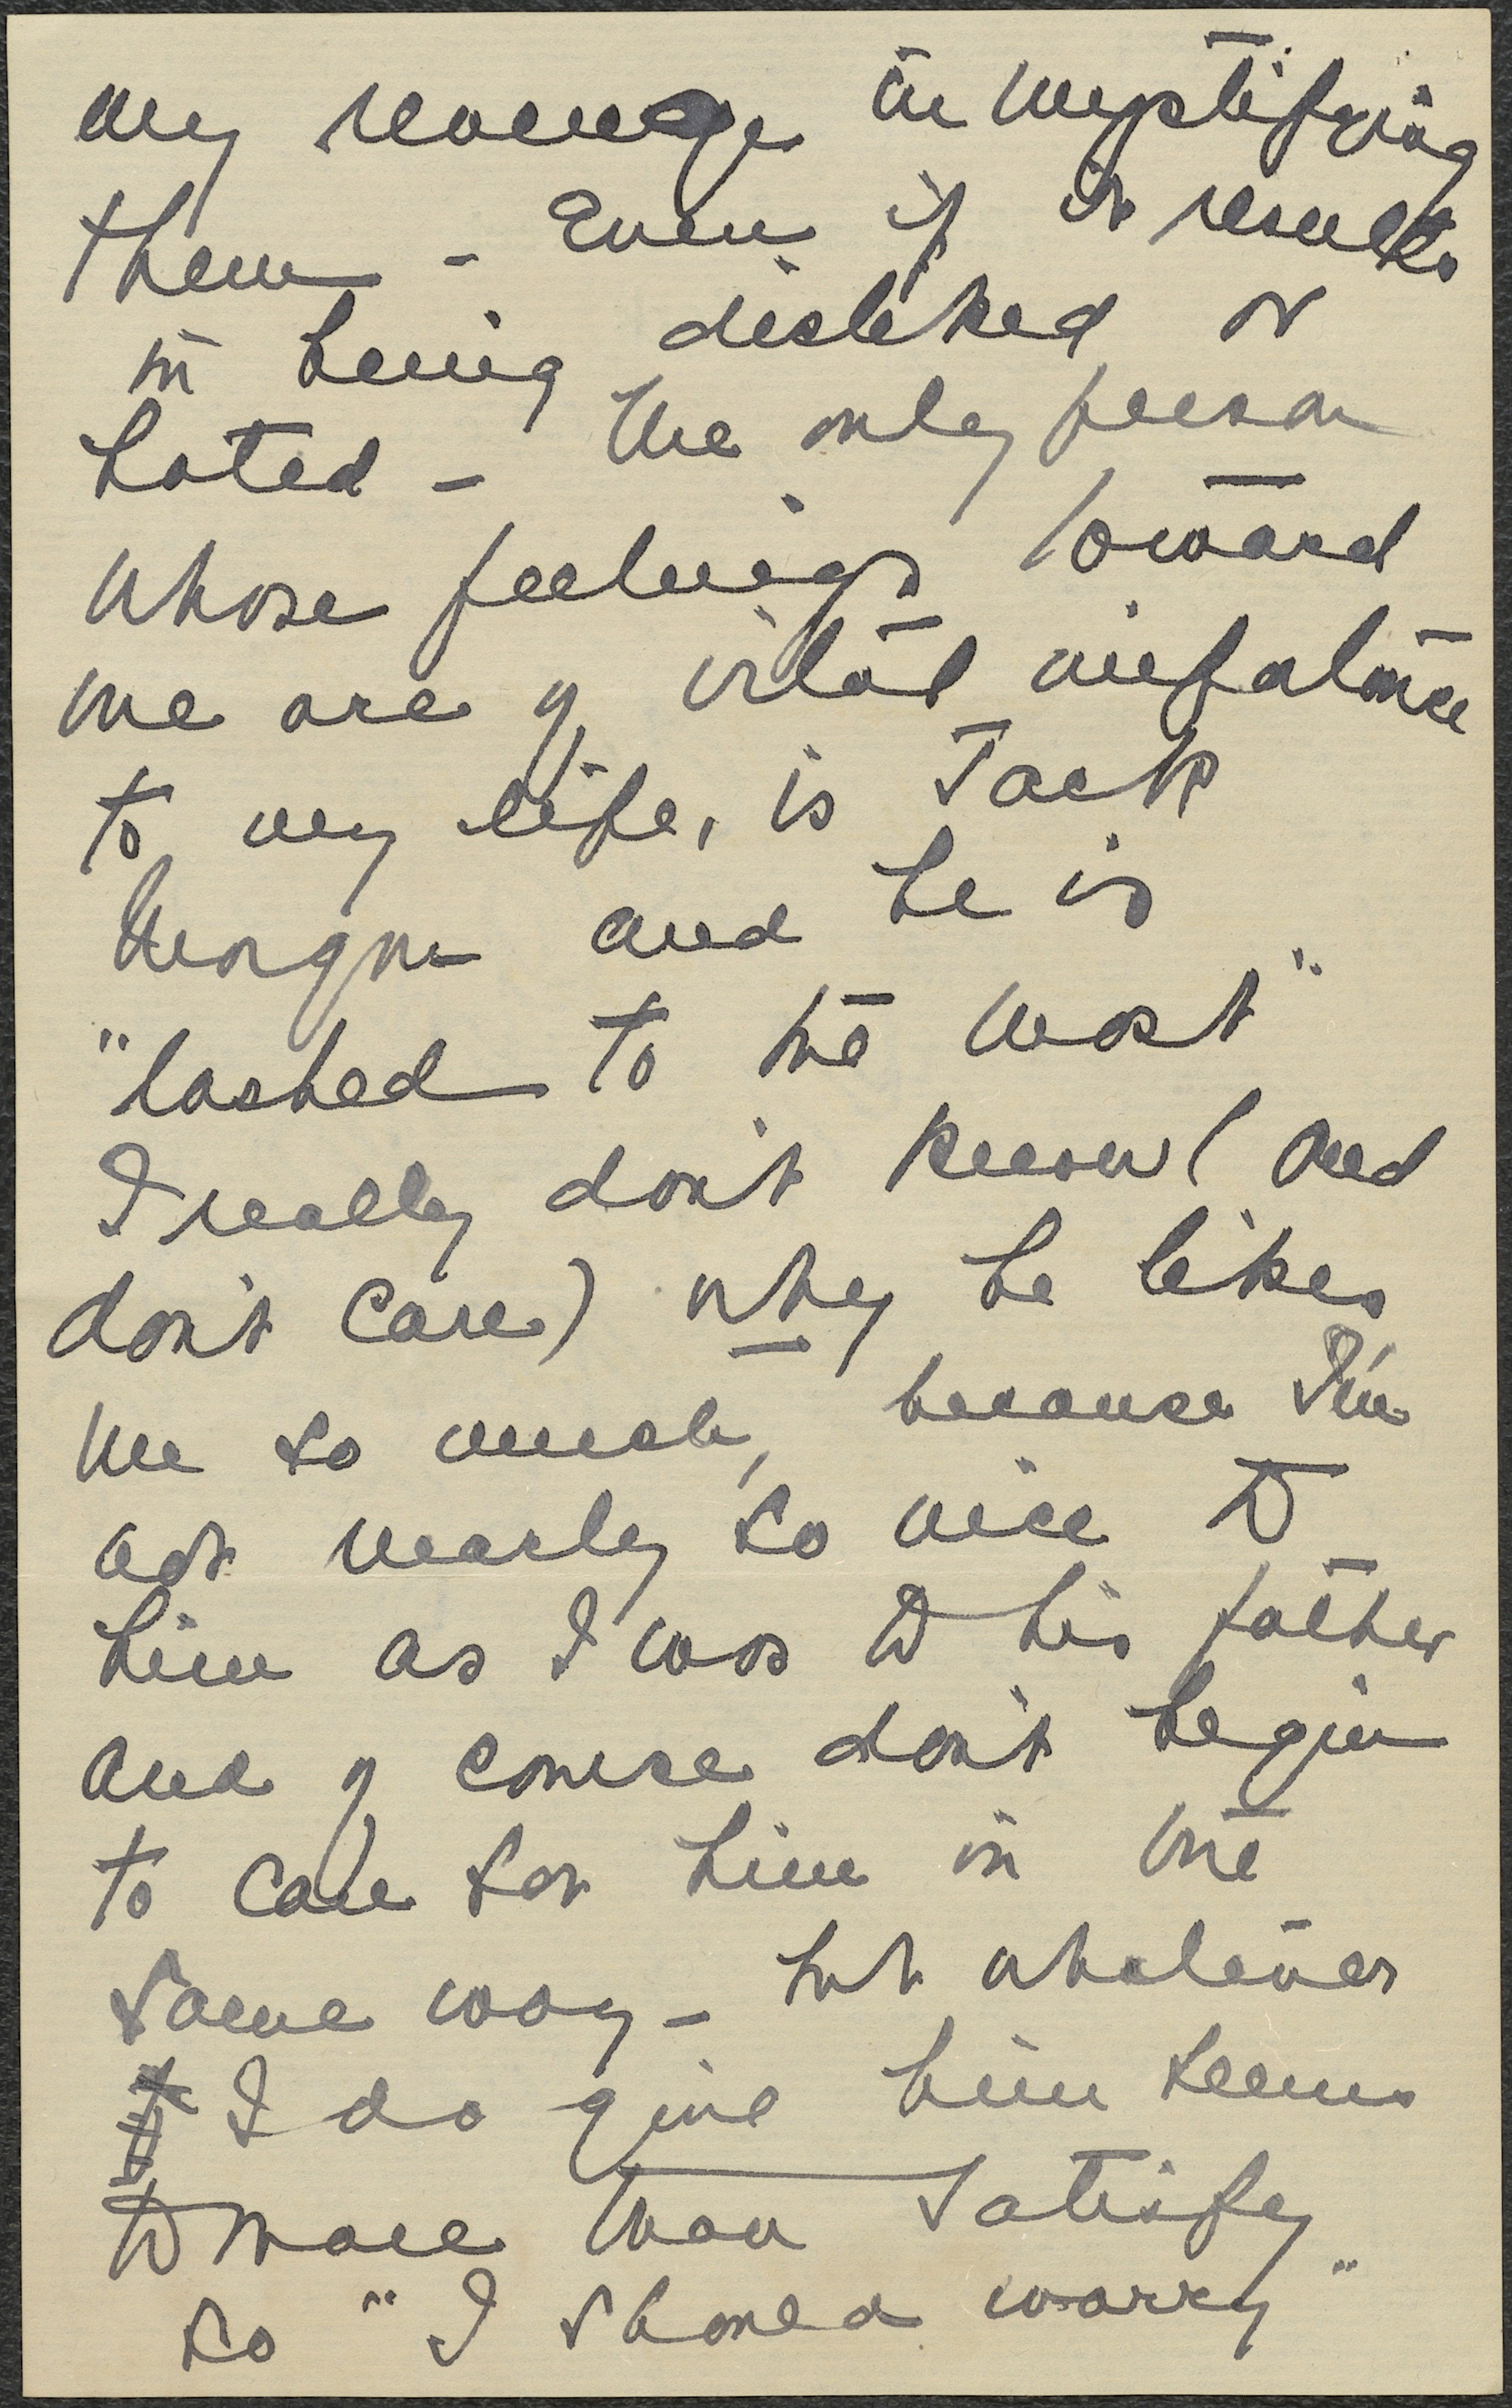my revenge in mystifying them – even if it results in being disliked or hated – the only person whose feelings toward me are of vital important to my life, is Jack Morgan and he is “lashed to the mast” I really don’t know (and don’t care) why he likes me so much, because I'm not nearly so nice to him as I was to his father and of course don’t begin to care for him in the same way – but whatever if I do give him seems to more than satisfy so “I should marry"